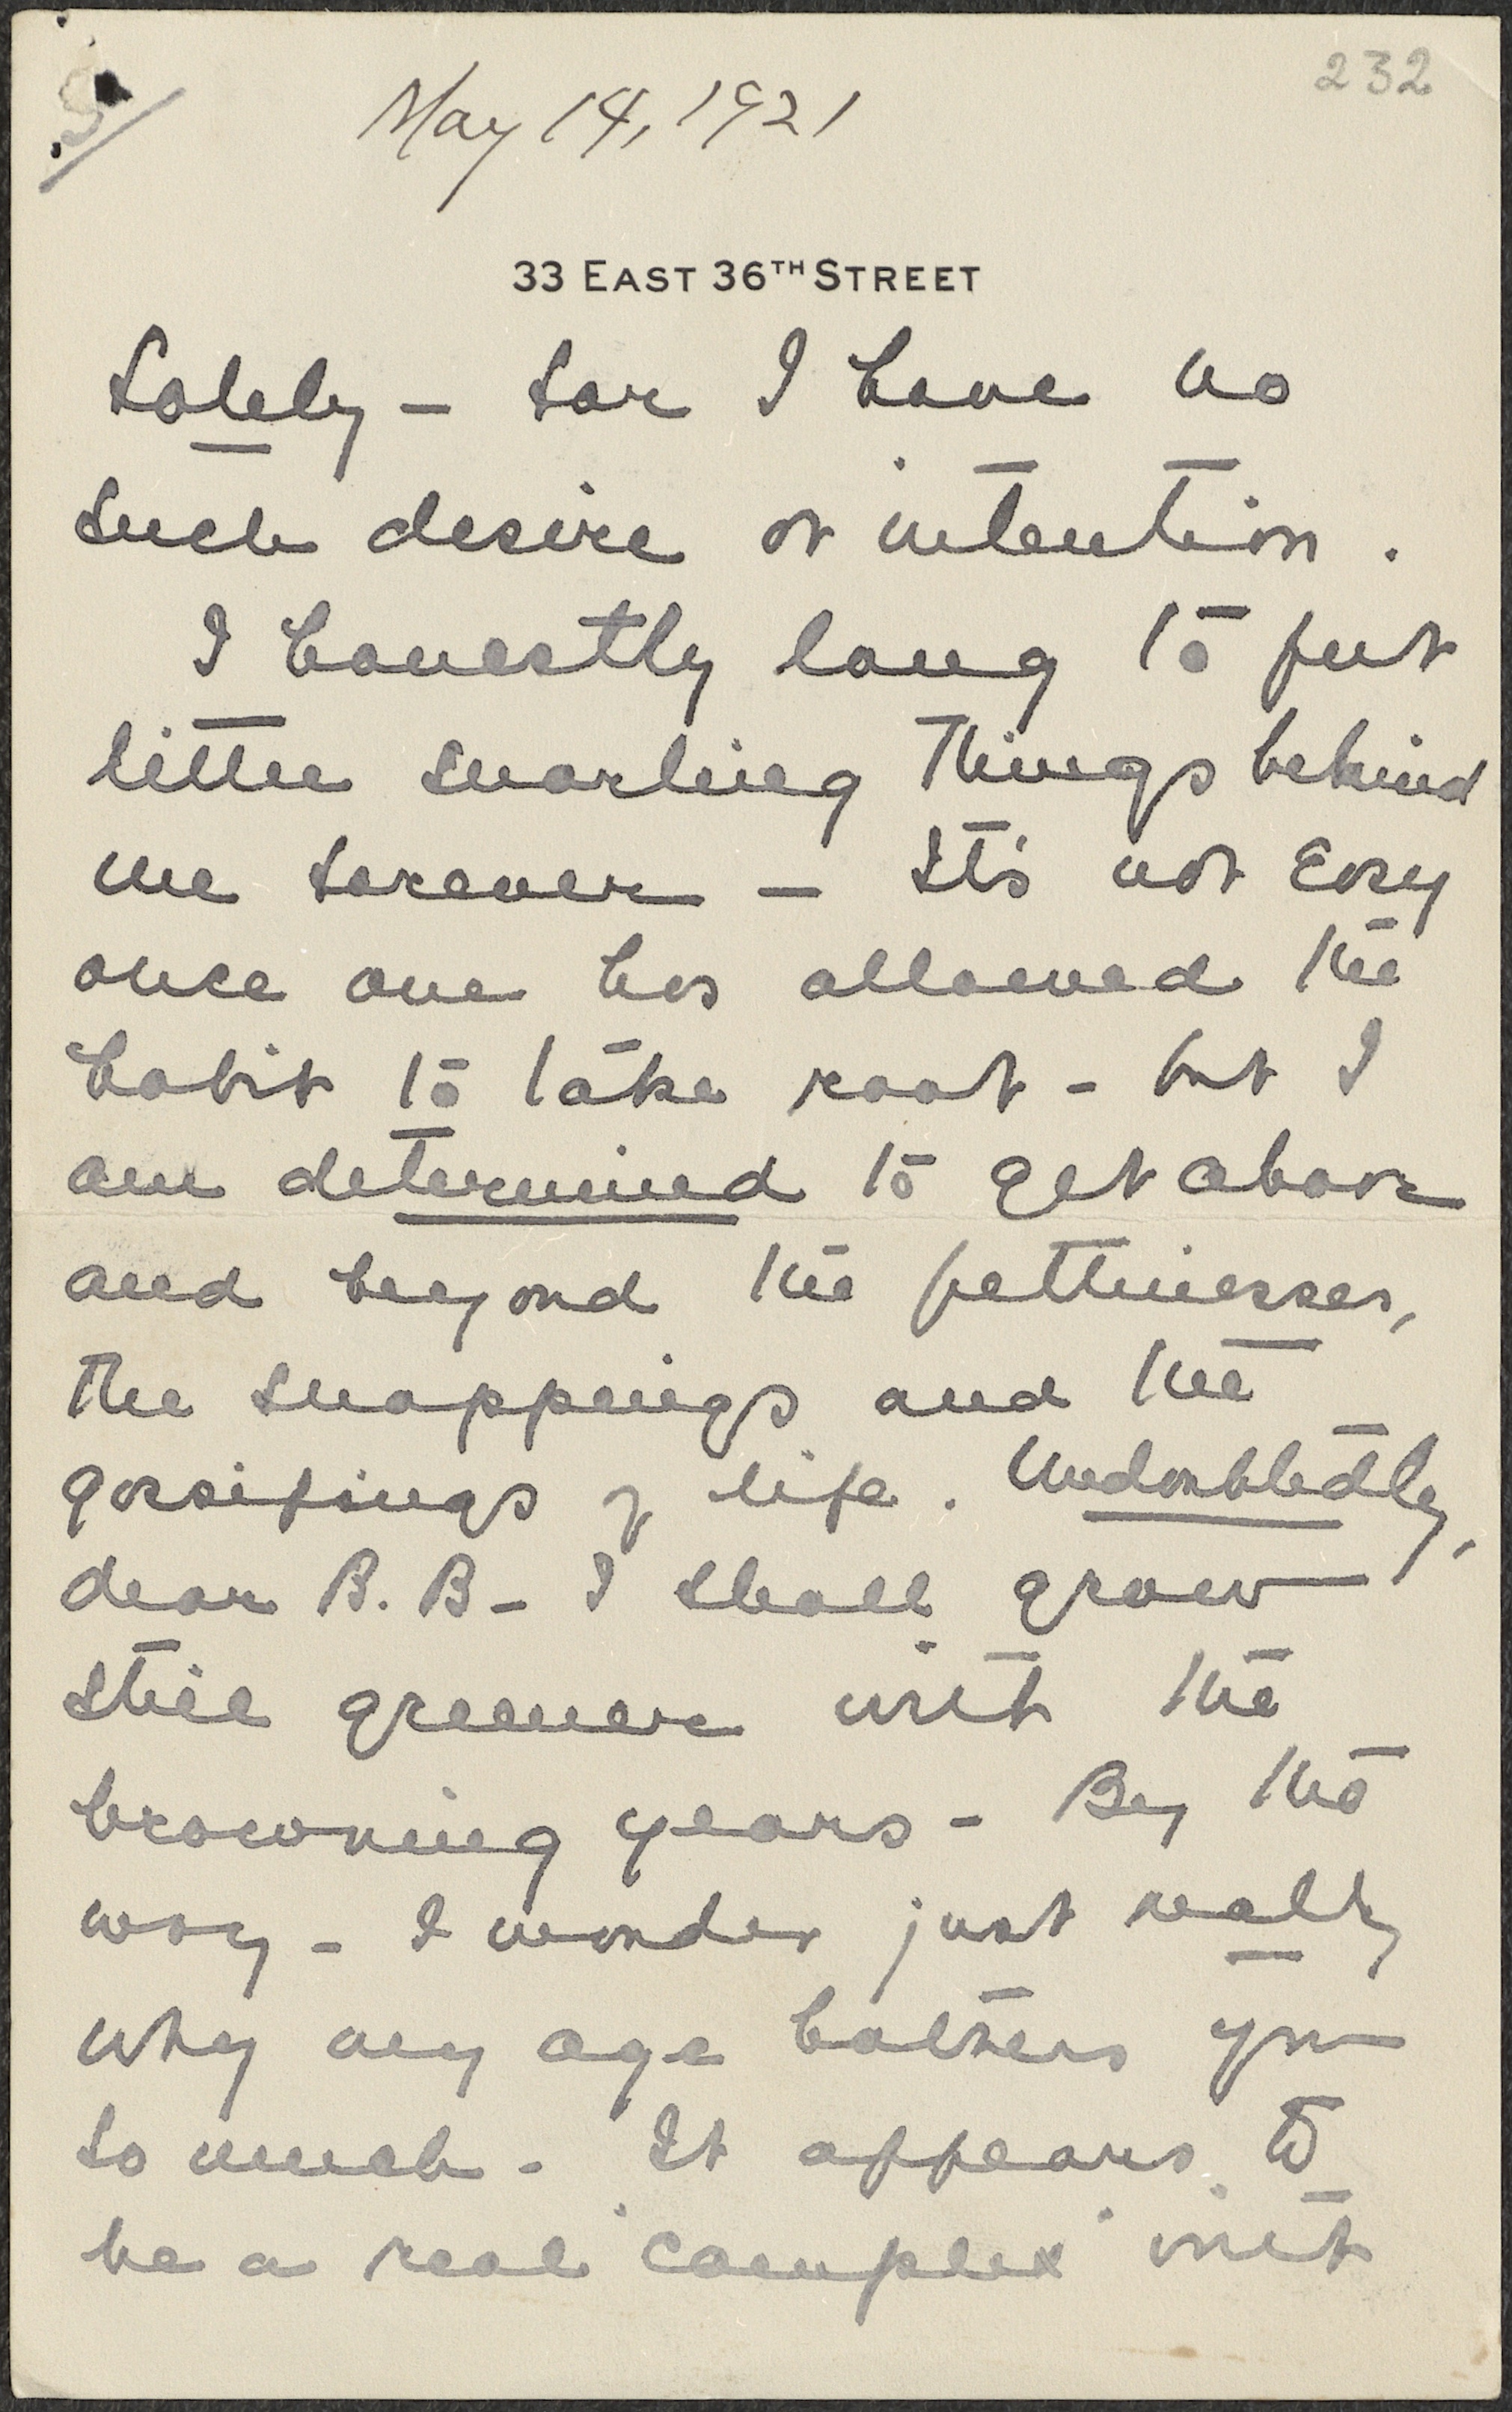solely – for I have no such desire or intention.
I honestly long to put little snarling things behind me forever – It’s not easy once one has allowed the habit to take root – but I am determined to get above and beyond the pettinesses, the snappings and the gossipings of life. Undoubtedly, dear B. B – I shall grow still greener with the browning years – By the way – I wonder just really why my age bothers you so much – It appears to be a real “complex” with